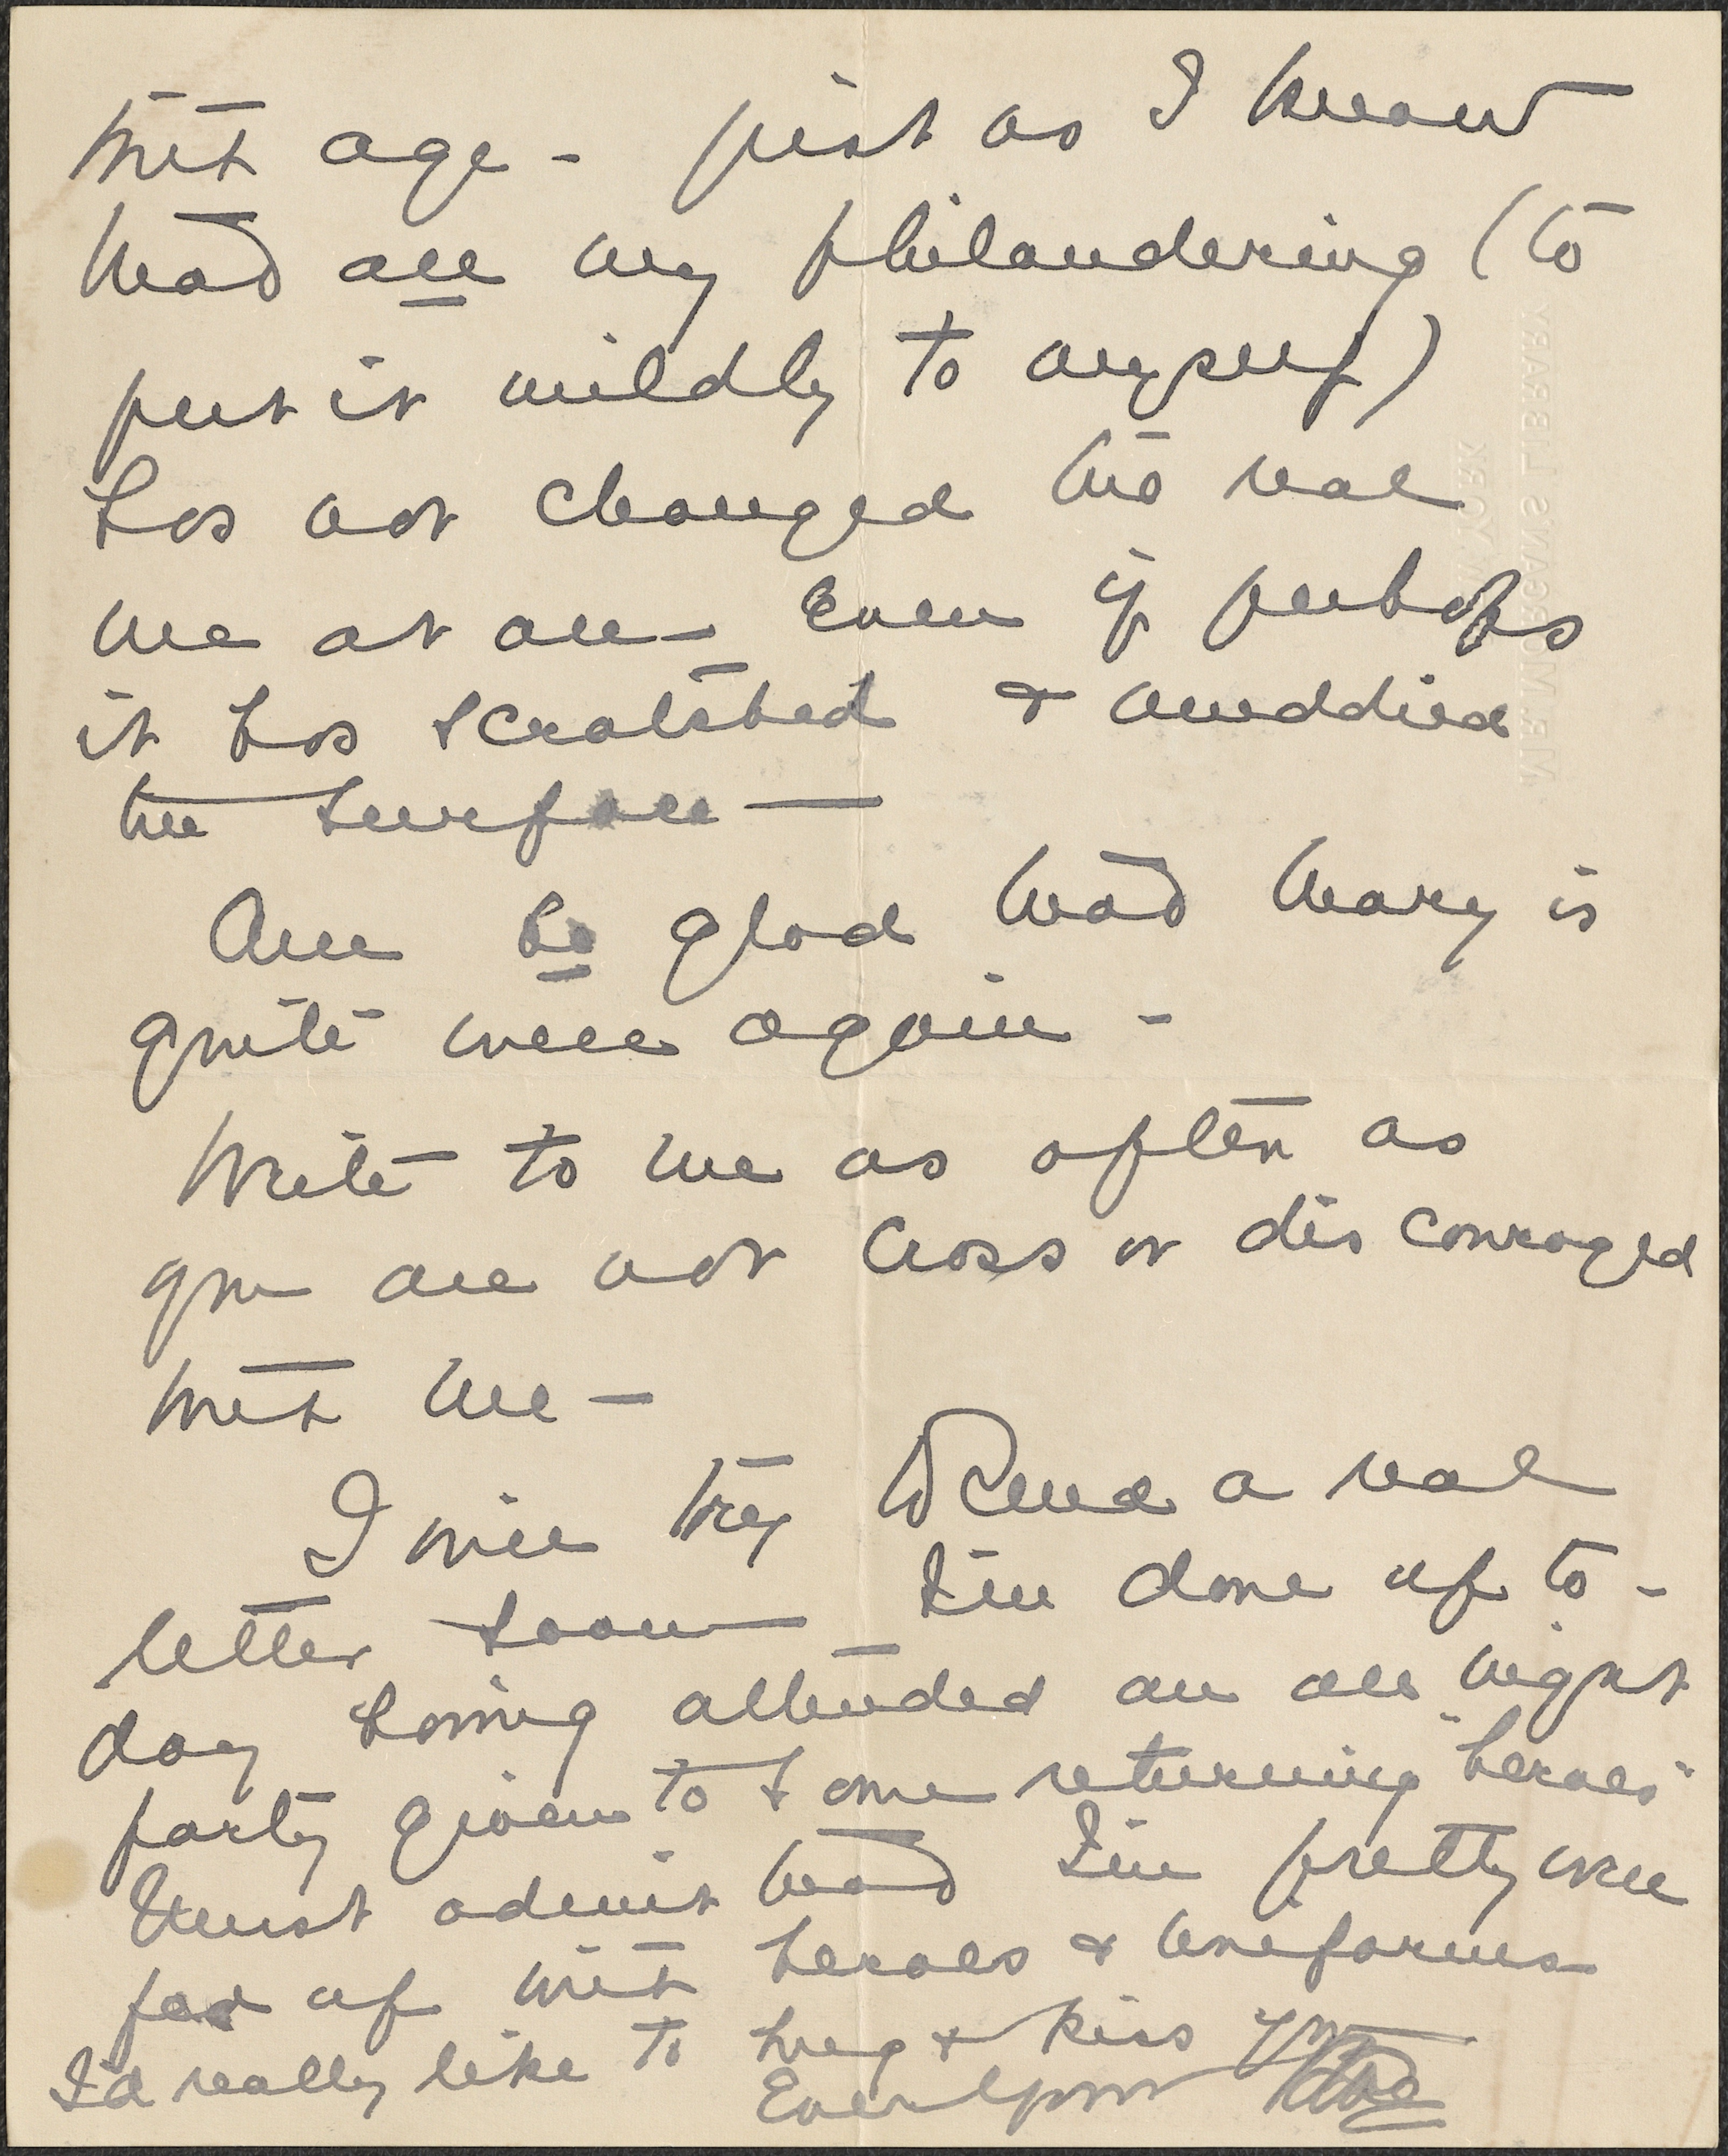with age – just as I know that all my philandering (to put it mildly to myself) has not changed the real me at all – Even if perhaps it has scratched & muddied the surface –
Am so glad that Mary is quite well again –
Write to me as often as you are not cross or discouraged with me –
I will try to send a real letter soon – I'm done up to day having attended an all night party given to some returning "heroes" Must admit that I'm pretty well fed up with heroes & uniforms –
I'd really like to hug & kiss you –
Ever yours Belle